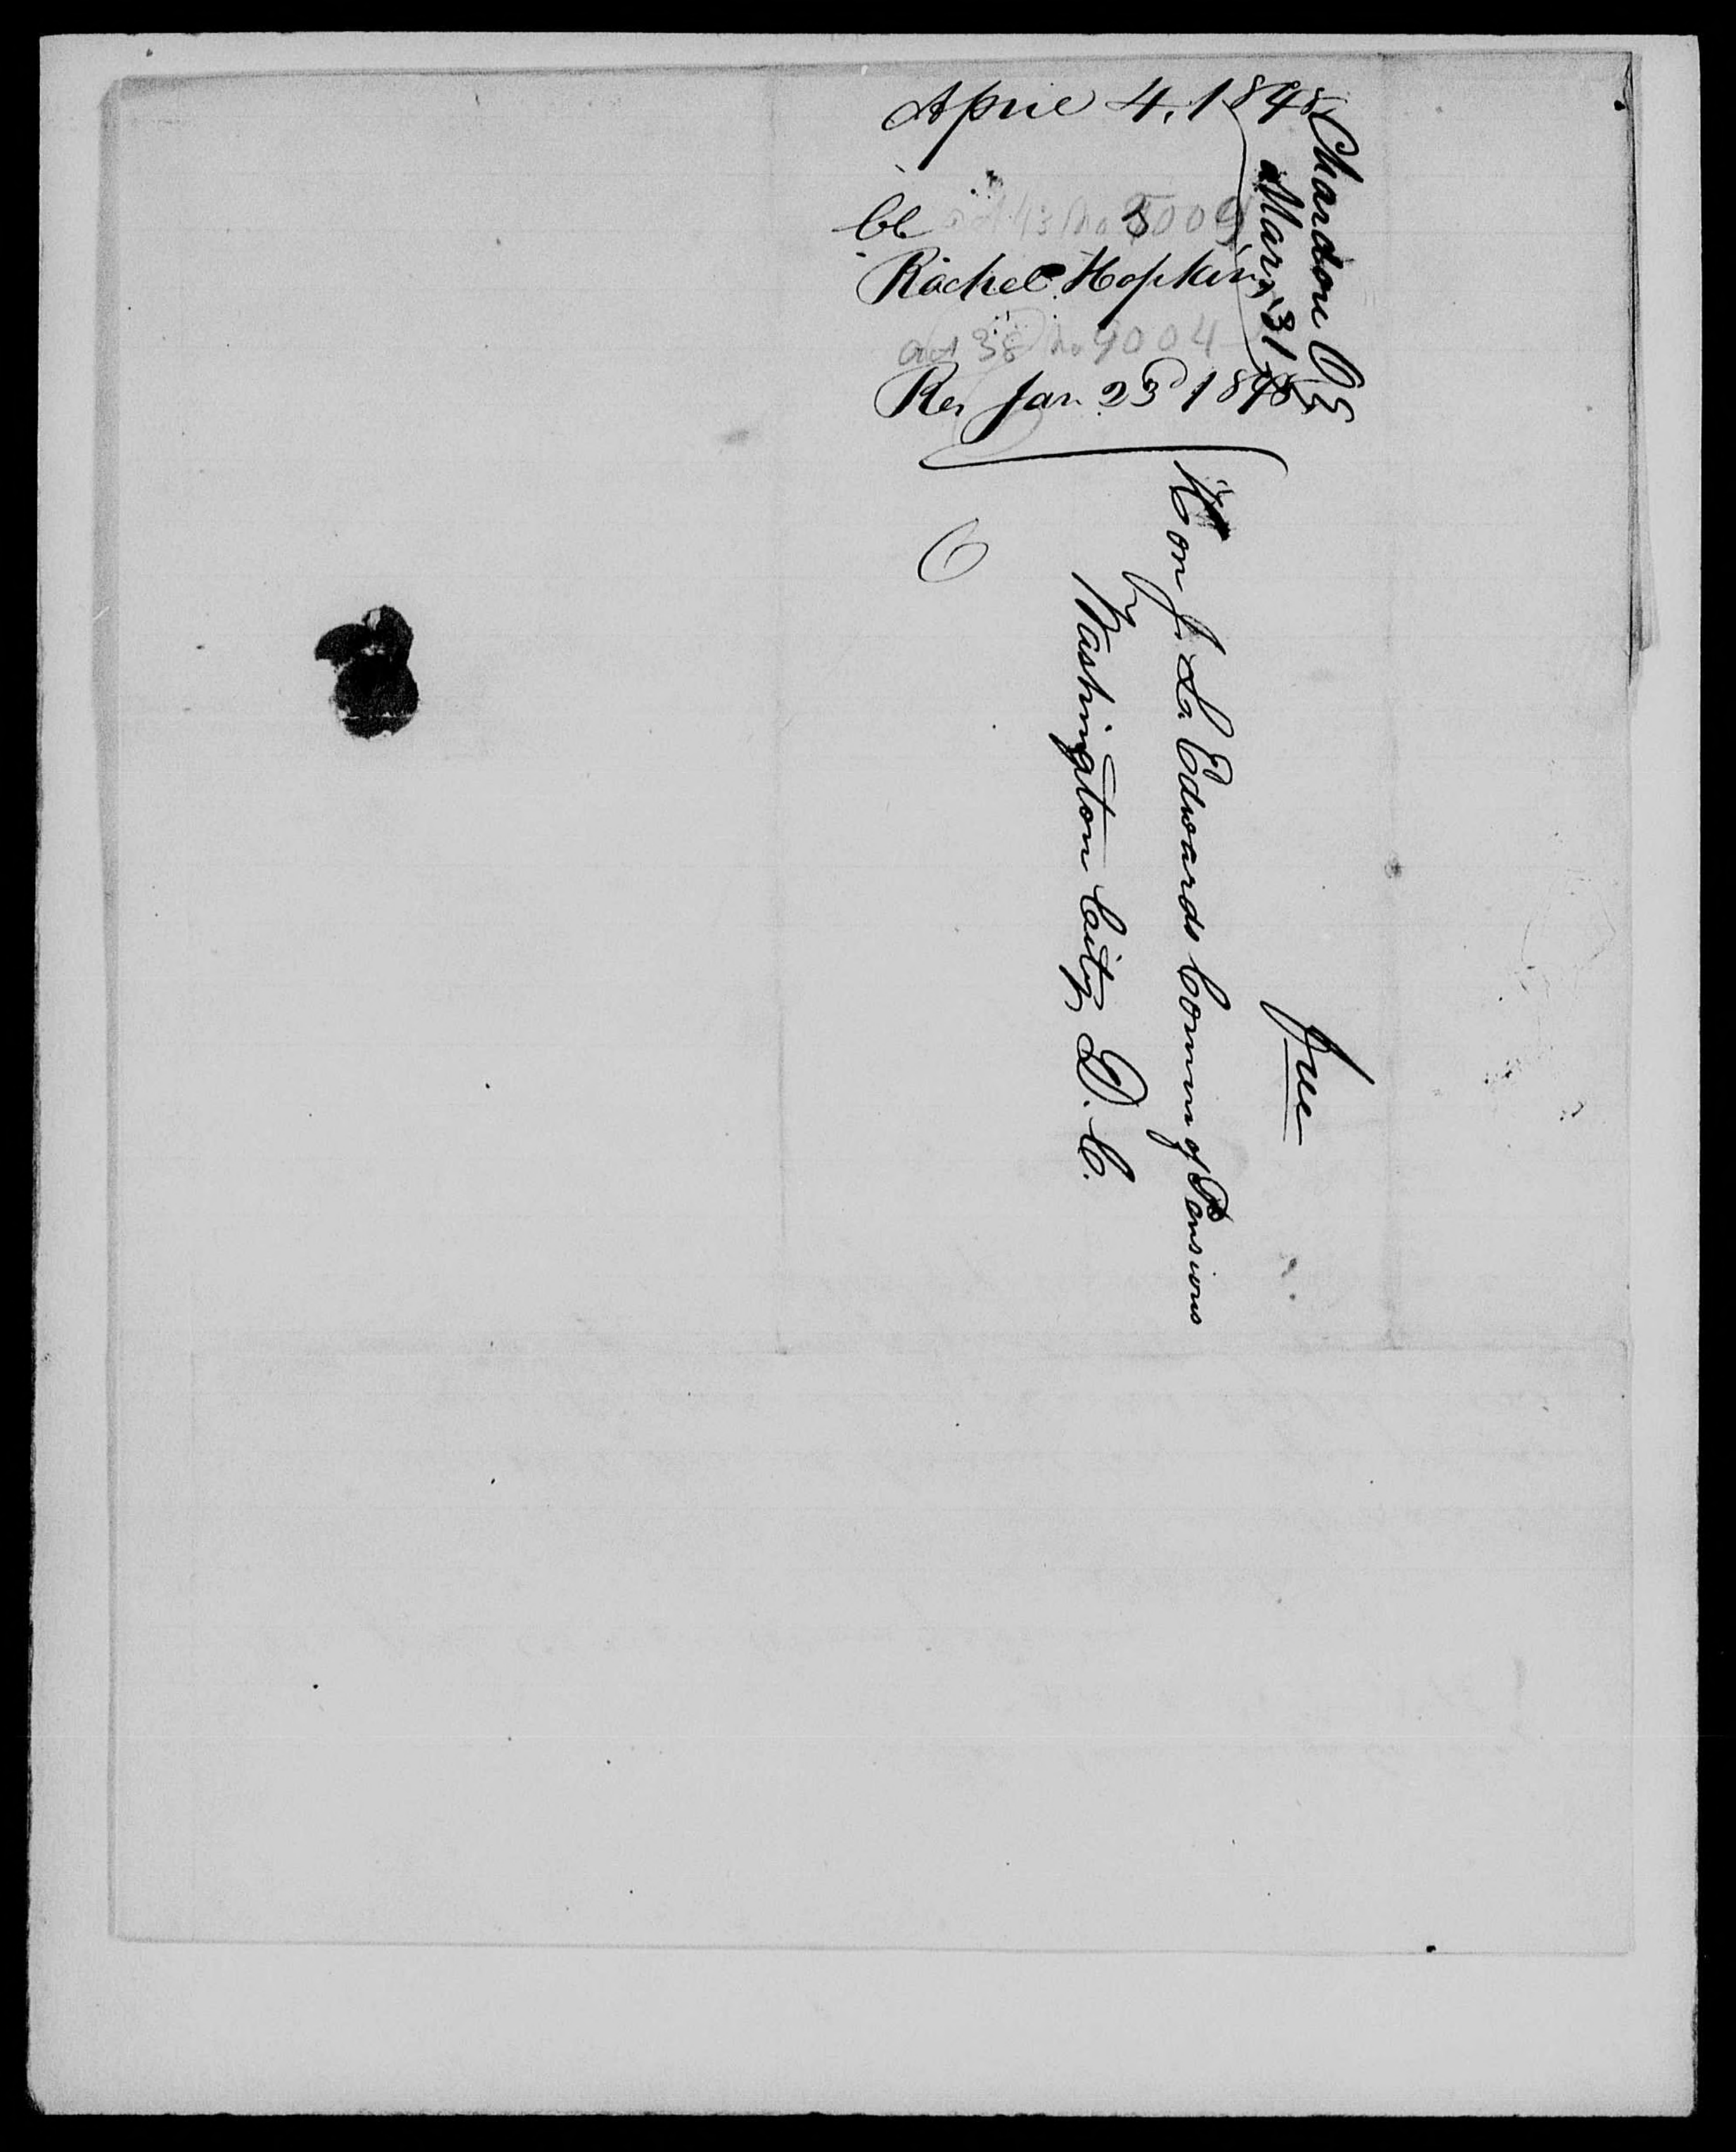April 4, 1848
bl Rachel Hopkins
Re Jan 23 1848 
Chardon 
Mar 81

free

Hon J. L. Edwards 
Comm. of Pensions
Washington City D. C.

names: Rachel Hopkins, J L Edwards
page: 132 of 144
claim: rejected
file: R. 5208, Dennis Hopkins, N.C.